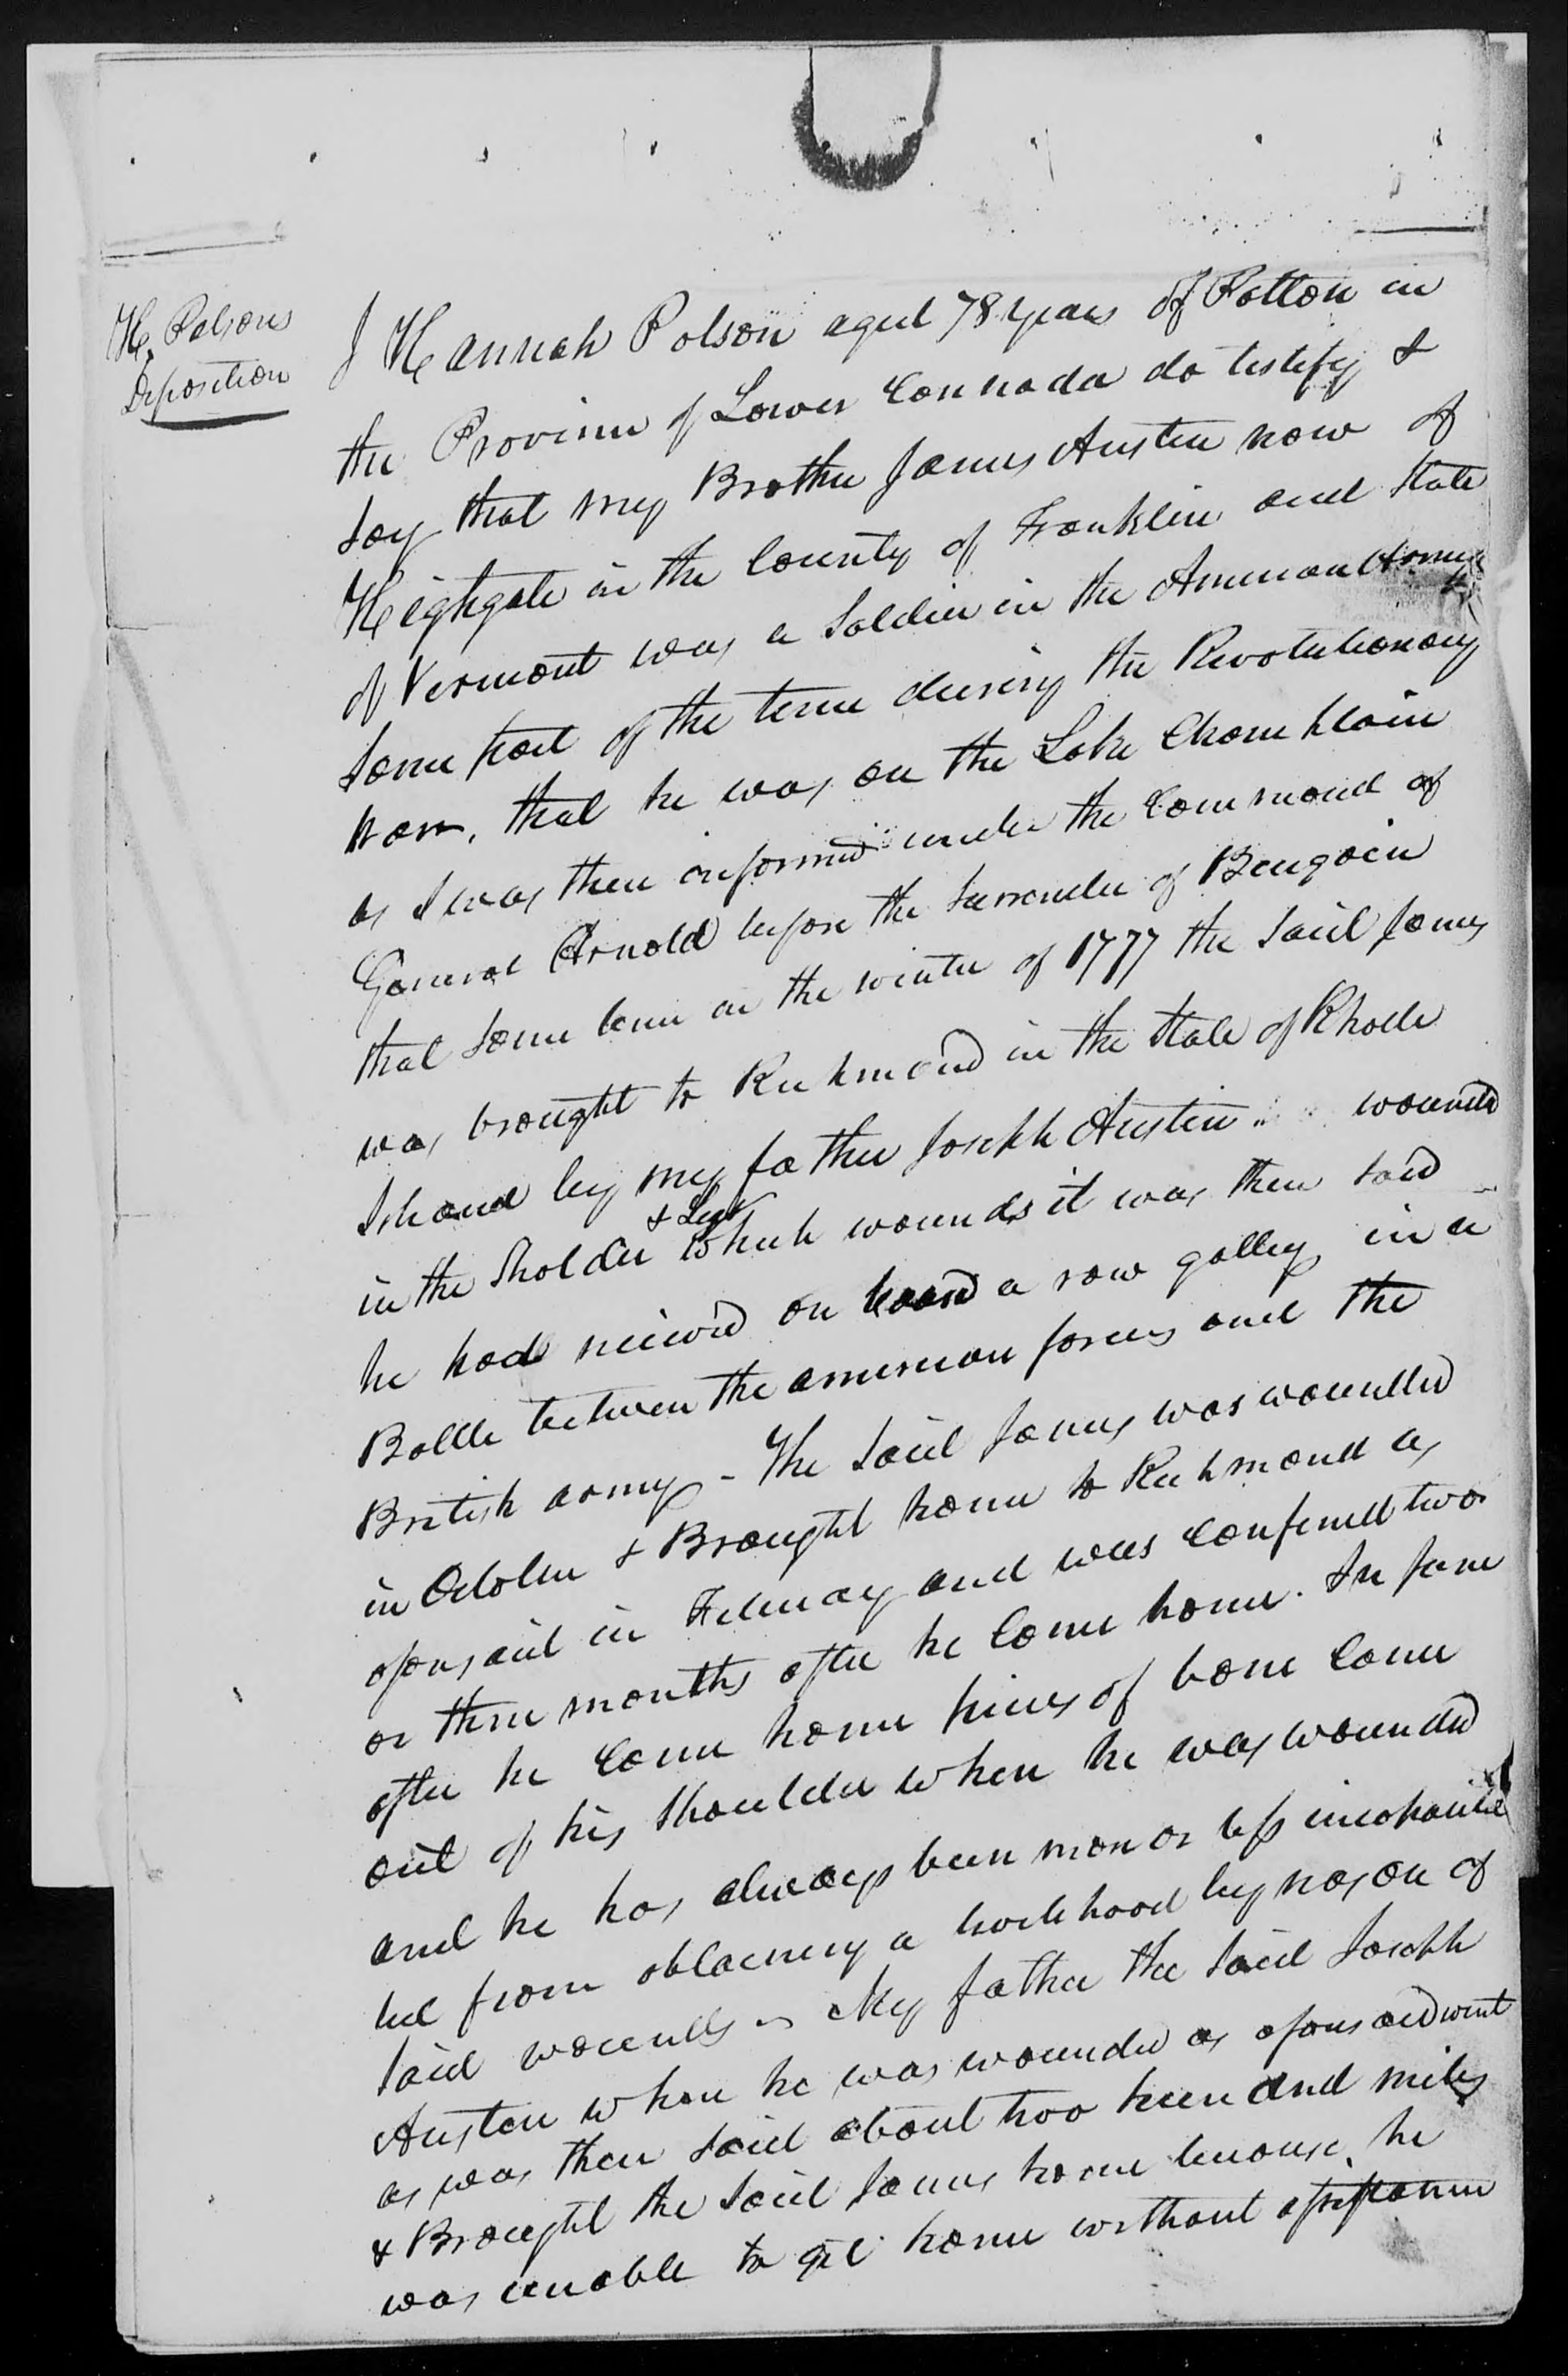H. Polsons Deposition
I Hannah Polson age 78 years of Polton in
the Province of Lower Canada do testify &
say that my Brother James Austin now of
Highgate in the County of [Franklin?] and State
of Vermont was a soldier in the American Army
some part of the time during the Revolutionary
War, that the way on the Lake Champlain
& I was there informed under the Command of
General Arnold before the [Fernander of Bangocu?]
that some time the winter of 1777 the said James
was brought to Richmond in the State of Rhode.
Island by my father Joseph Austin wounded
in the sholder ^ and legs which wounds it was then
he had received on board a row galley in a
Battle between the american forces and the
British army - The said James was wounded
in October & Brought down to Richmond by
aforesaid in February and was confined to
on three months [illegible] he came home. [In fact?]
[of the he came home heirs of home counce?]
out of his shoulder when he was wounded
and he has always been [manor less incapacitated?]
from oblacency a hockhood by name of?]
said wounds ~ My father the said Joseph 
Austin where he was wounded on aforesaid
he was then said about two hundred miles
& Brought the said James home because he
was unable to get home without [illegible].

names: Joseph Austin, James, James, Hannah Polson, James Austin, Joseph Austin, Arnold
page: 5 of 100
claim: survivor's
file: S 19186, James Austin, Conn. New York R.I.